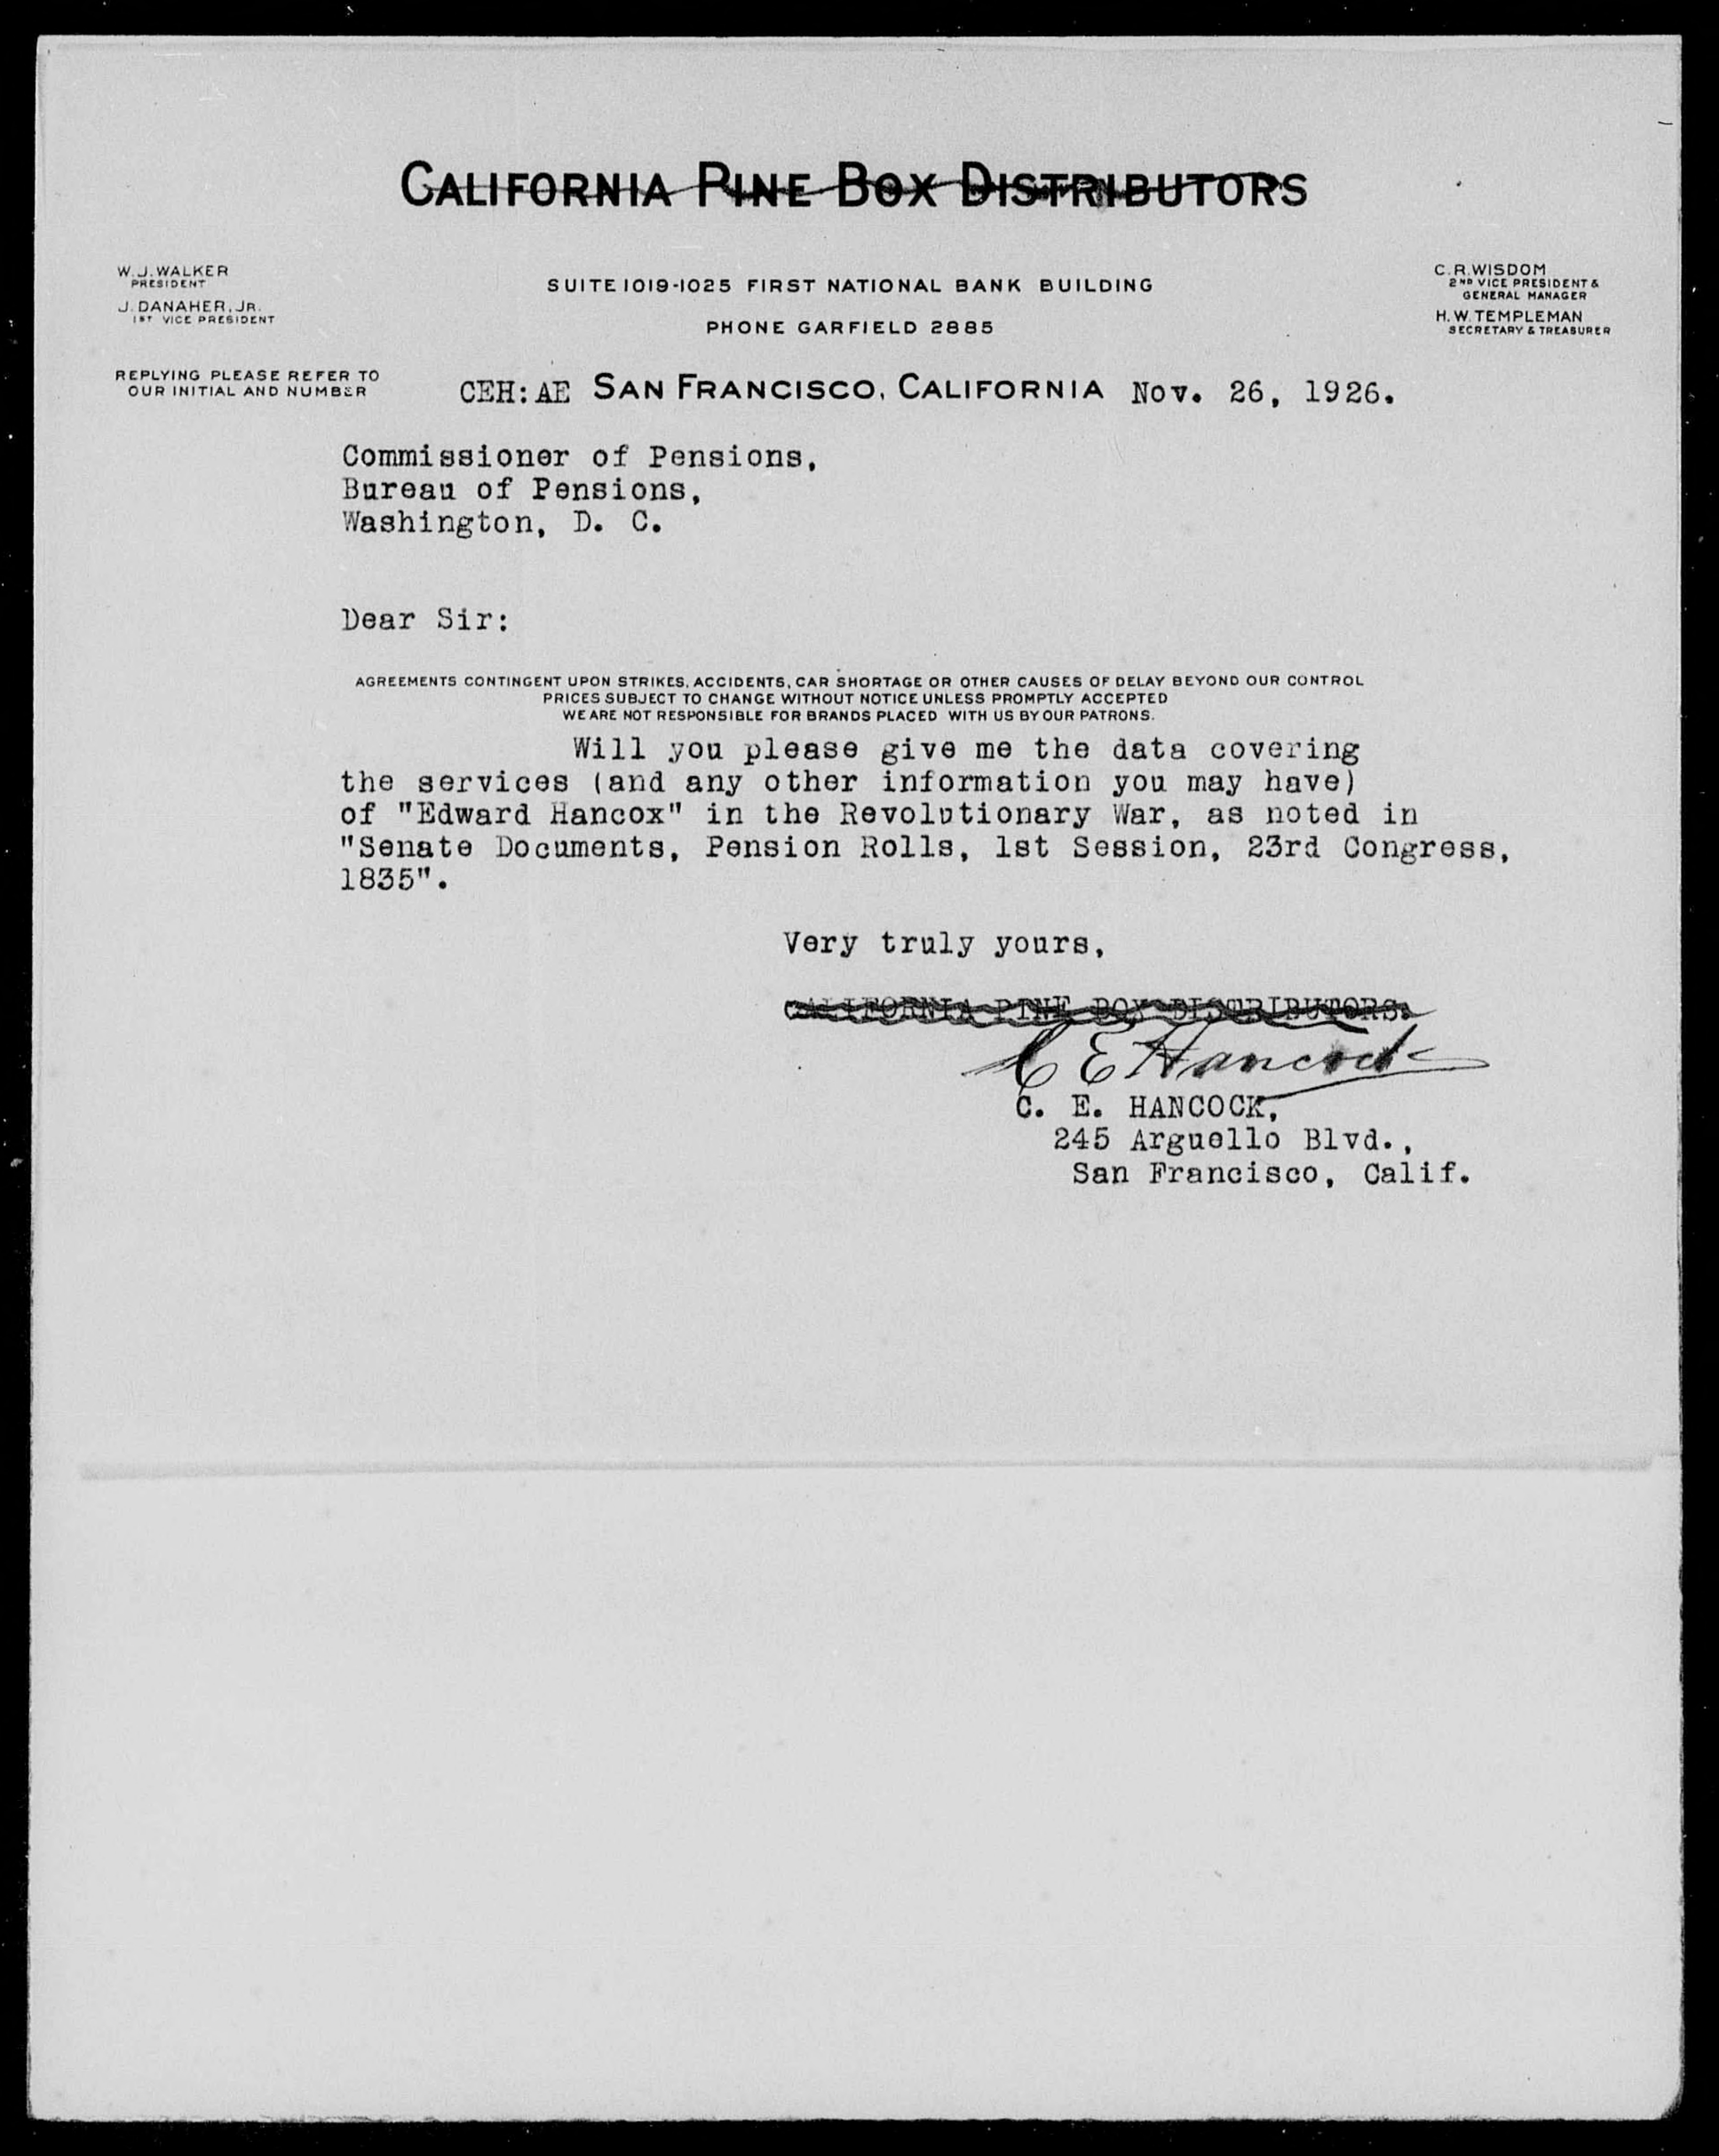CALFORNIA PINE BOX DISTRIBUTORS
W. J. WALKER PRESIDENT
J. DANAHER, JR.
AST VICE PRESIDENT
SUITE 1019-1025 FIRST NATIONAL BANK BUILDING
PHONE GARFIELD 2885
C. R. WISDOM 2ND VICE PRESIDENT & GENERAL MANAGER
H. W. TEMPLEMAN
SECRETARY E TREASURER
REPLYING PLEASE REFER TO
OUR INITIAL AND NUMBER
CEH:AE SAN FRANCISCO, CALIFORNIA Nov. 26, 1926.

Commissioner of Pensions,
Bureau of Pensions,
Washington, D. C.

Dear Sir:
AGREEMENTS CONTINGENT UPON STRIKES ACCIDENTS, CAR SHORTAGE OR OTHER CAUSES OF DELAY BEYOND OUR CONTROL
PRICES SUBJECT TO CHANGE WITHOUT NOTICE UNLESS PROMPTLY ACCEPTED
WEARE NOT RESPONSISLE FOR BRANDS PLACED WITH US BYOUR PATRONS.
Will you please give me the data covering
the services ( and any other information you may have) of " Edward Hancox " in the Revolutionary War, as noted in " Senate Documents, Pension Rolls, 1st Session, 23rd Congress,
1835 ".
Very truly yours,
C. E Hancock
C. E. HANCOCK,
245 Arguello Blvd.
San Francisco, Calif.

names: Edward Hancox, H W Templeman, C E Hancock, W J Walker, C E Hancock, J Danaher, C R Wisdom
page: 19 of 26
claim: survivor's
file: S. 16843, Edward Hancox, Conn.